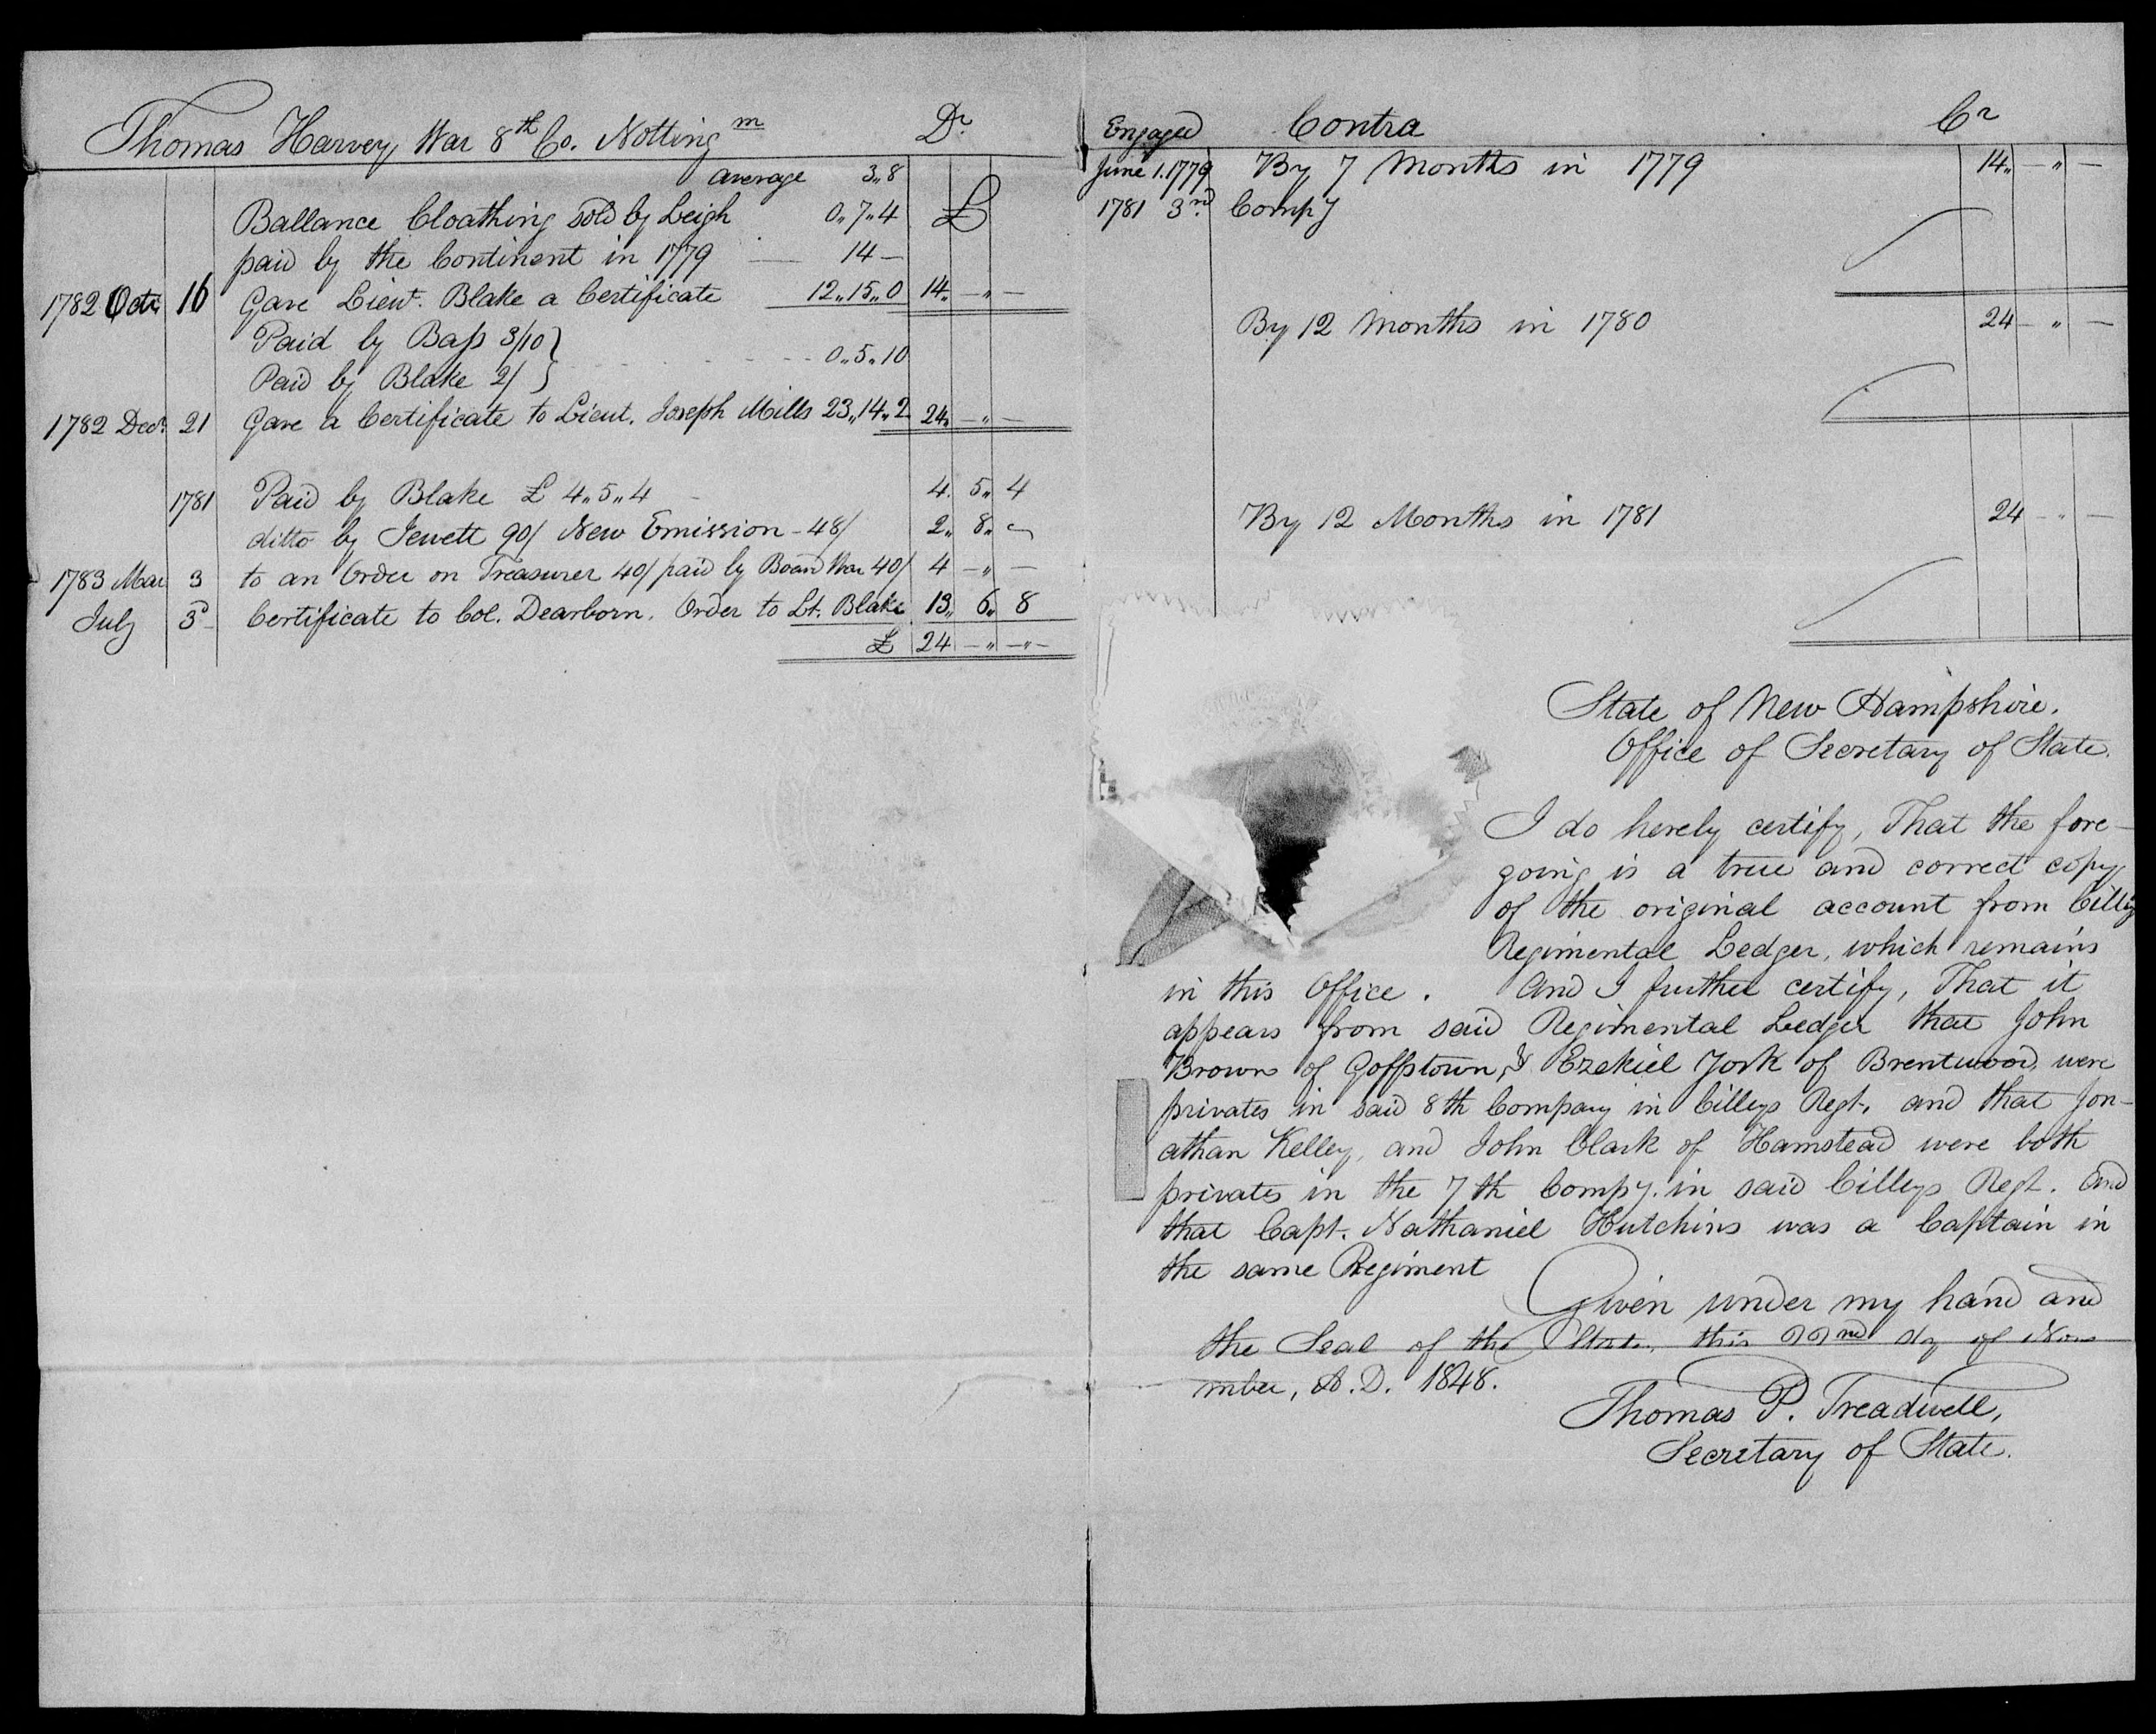[verso]
Thomas Harvey War 8th col. Notting'm Dr
[six untitled columns]
[blank]|[blank]|Ballance Cloathing sold by Leigh 0.7.4 average 38|[blank]|£|[blank]|
[blank]|[blank]|paid by the continent in 1779 - 14|[blank]|[blank]|[blank]|
1782 Octr.|16|Gave Lieut Blake a certificate 12.15.0|14| -" |-|
[blank]|[blank]|Paid by Bass 3/10|[blank]|[blank]|[blank]|
[blank]|[blank]|Paid by Blake 2/} 0.5.10|[blank]|[blank]|[blank]|
1782 Decr|21|Gave a certificate to Lieut Joseph Mills 23.14.2|24.| -"| - |
[blank]|1781|Paid by Blake £4.5.4.|4|5|4|
[blank]|[blank]|Ditto by Jewett 90/ New Emission 48/|2|8|[blank]|
1783 Mar|3|to an order on Treasurer 40/-Paid by Board War 40/|4| -" | - |
July|3d|Certificate to Col. Dearborn, Order to Lt. Blake|13|6|8|
[blank]|[blank]|£|24| " | " |
[end of columns]

[recto]
[column headings: Engaged|Contra|Cr|[blank]|[blank]|
June 1, 1779|By 7 months in 1779|14.| -"| - |
1781 3rd|Comp'y|[blank]|[blank]|[blank]|
[blank]|By 12 Months in 1780|24| -"| - |
[blank]|By 12 Months in 1781|24| -"| - |
[end of columns]
State of New Hampshire,
Office of Secretary of State
[state seal]
I do hereby certify, That the foregoing is a true and correct copy of the original account from Cilley's Regimental Ledger, which remains in this Office. And I further certify, That it appears from said Regimental Ledger that John Brown of Goffstown, & Ezekiel York of Brentwood, were privates in said 8th Company in Cilley's Regt. and that Jonathan Kelley, and John Clark of Hamstead were both privates in the 7th Compy in said Cilley's Regt. And that Capt. Nathaniel Hutchins was a Captain in the same Regiment 
Given under my hand and the Seal of the State, this 22nd day of November A.D. 1848. 
/s/Thomas P. Treadwell, 
Secretary of State.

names: Bass, John Clark, Joseph Mills, Thomas Harvey, Thomas P Treadwell, Jonathan Kelley, Leigh, Blake, Blake, John Brown, Dearborn, Jewett, Blake, Ezekiel York, Blake, Nathaniel Hutchins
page: 59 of 80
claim: survivor's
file: S. 18008, Thomas Harvey, N.H.